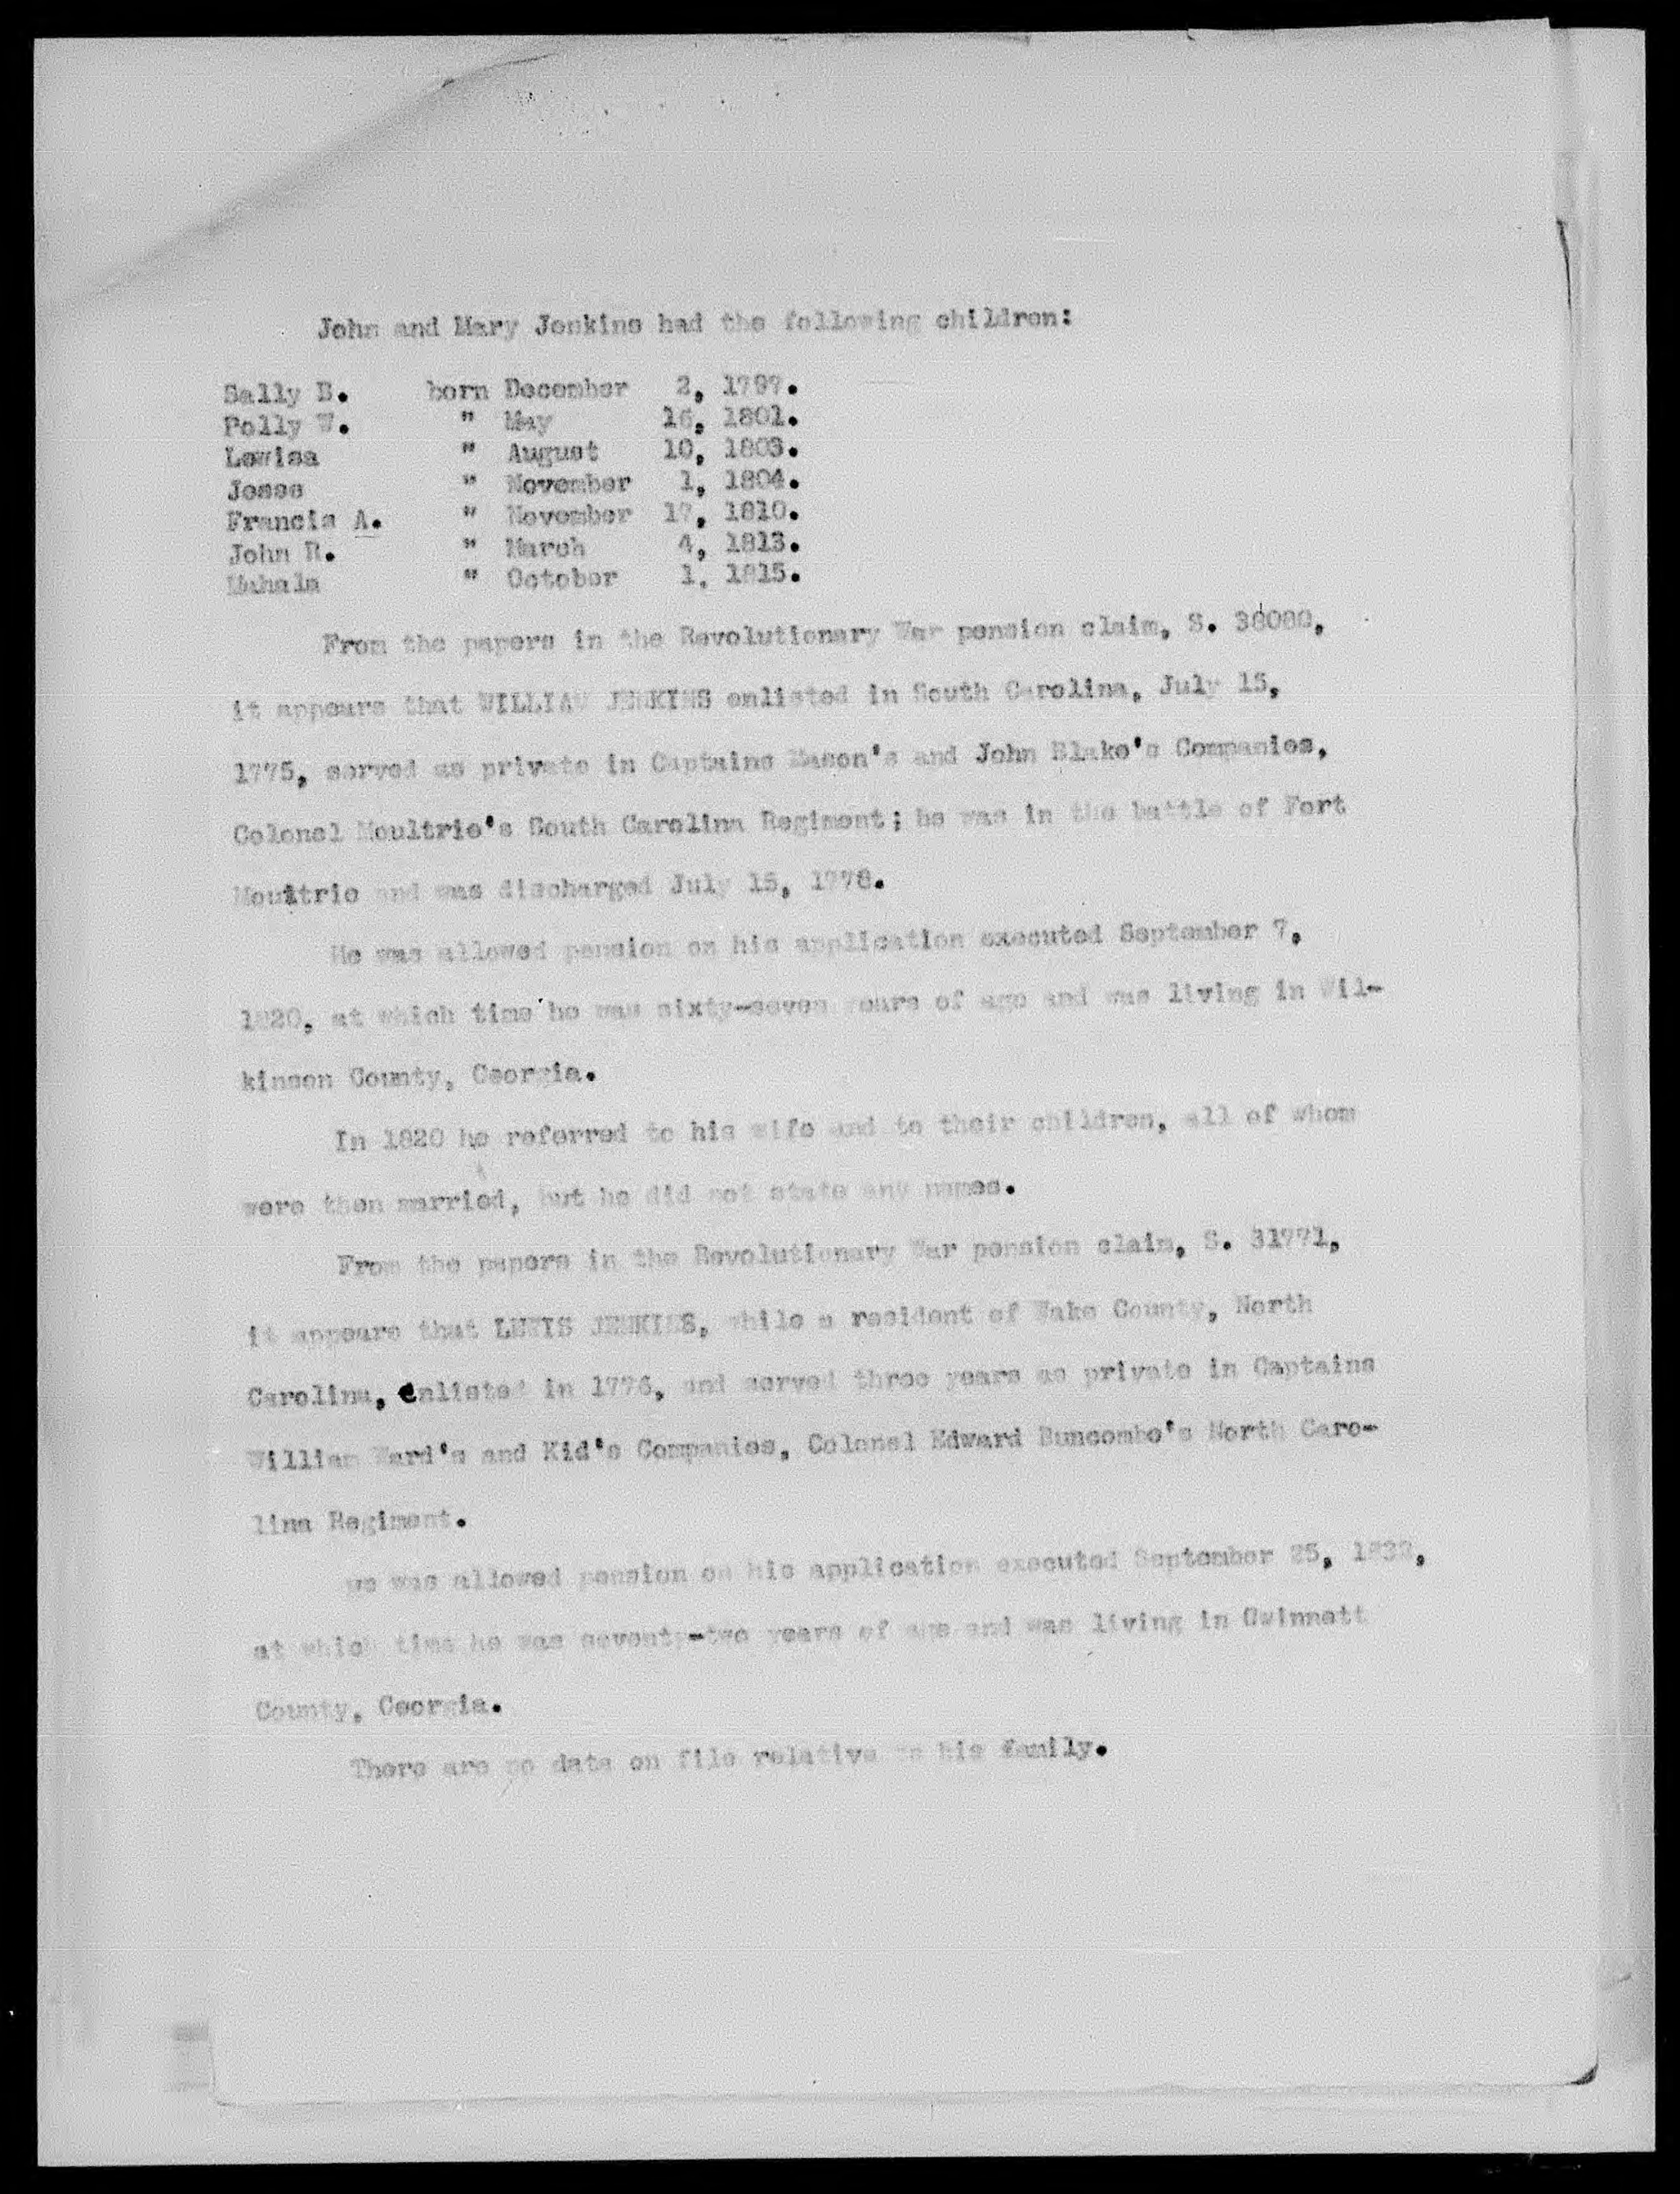John and Mary Jenkins had the following children:
Sally B.   born December 2, 1797.
Polly W.   " May 16, 1801.
Lewisa    " August 10, 1803.
Jeses     " November 1, 1804.
Francis A.  " November 17, 1810.
John R.   " March 4, 1813.
Mahala   " October 1, 1815.
From the papers in the Revolutionary War pension claim, S. 38080, it appears that WILLIAM JENKINS enlisted in South Carolina, July 15, 1775, served as private in Captain Mason's and John Blake's Companies,
Colonel Moultrie's South Carolina Regiment; he was in the battle of Fort Moultrie was discharged July 15, 1778. He was allowed pension on his application executed September 7, 1820, at which time he was sixty-seven years of age and was living in Wilkinson County, Georgia. In 1820 he referred to his wife and to their children, all of whom
were then married, but he did not state any names. From the papers in the Revolutionary War pension claim, S. 31771, it appears that LEWIS JENKINS, while a resident of Wake County, North Carolina, enlisted in 1776, and served three years as private in Captains
William Ward's and Kid's Companies, Colonel Edward Buncombe's North Carolina Regiment. He was allowed pension on his application executed September 25, 1832, at which time he was seventy-two years of age and was living in Gwinnett County, Georgia.
There are no data on file relative to his family.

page: 51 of 55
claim: widow's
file: W. 7894, for John Jenkins, Virginia